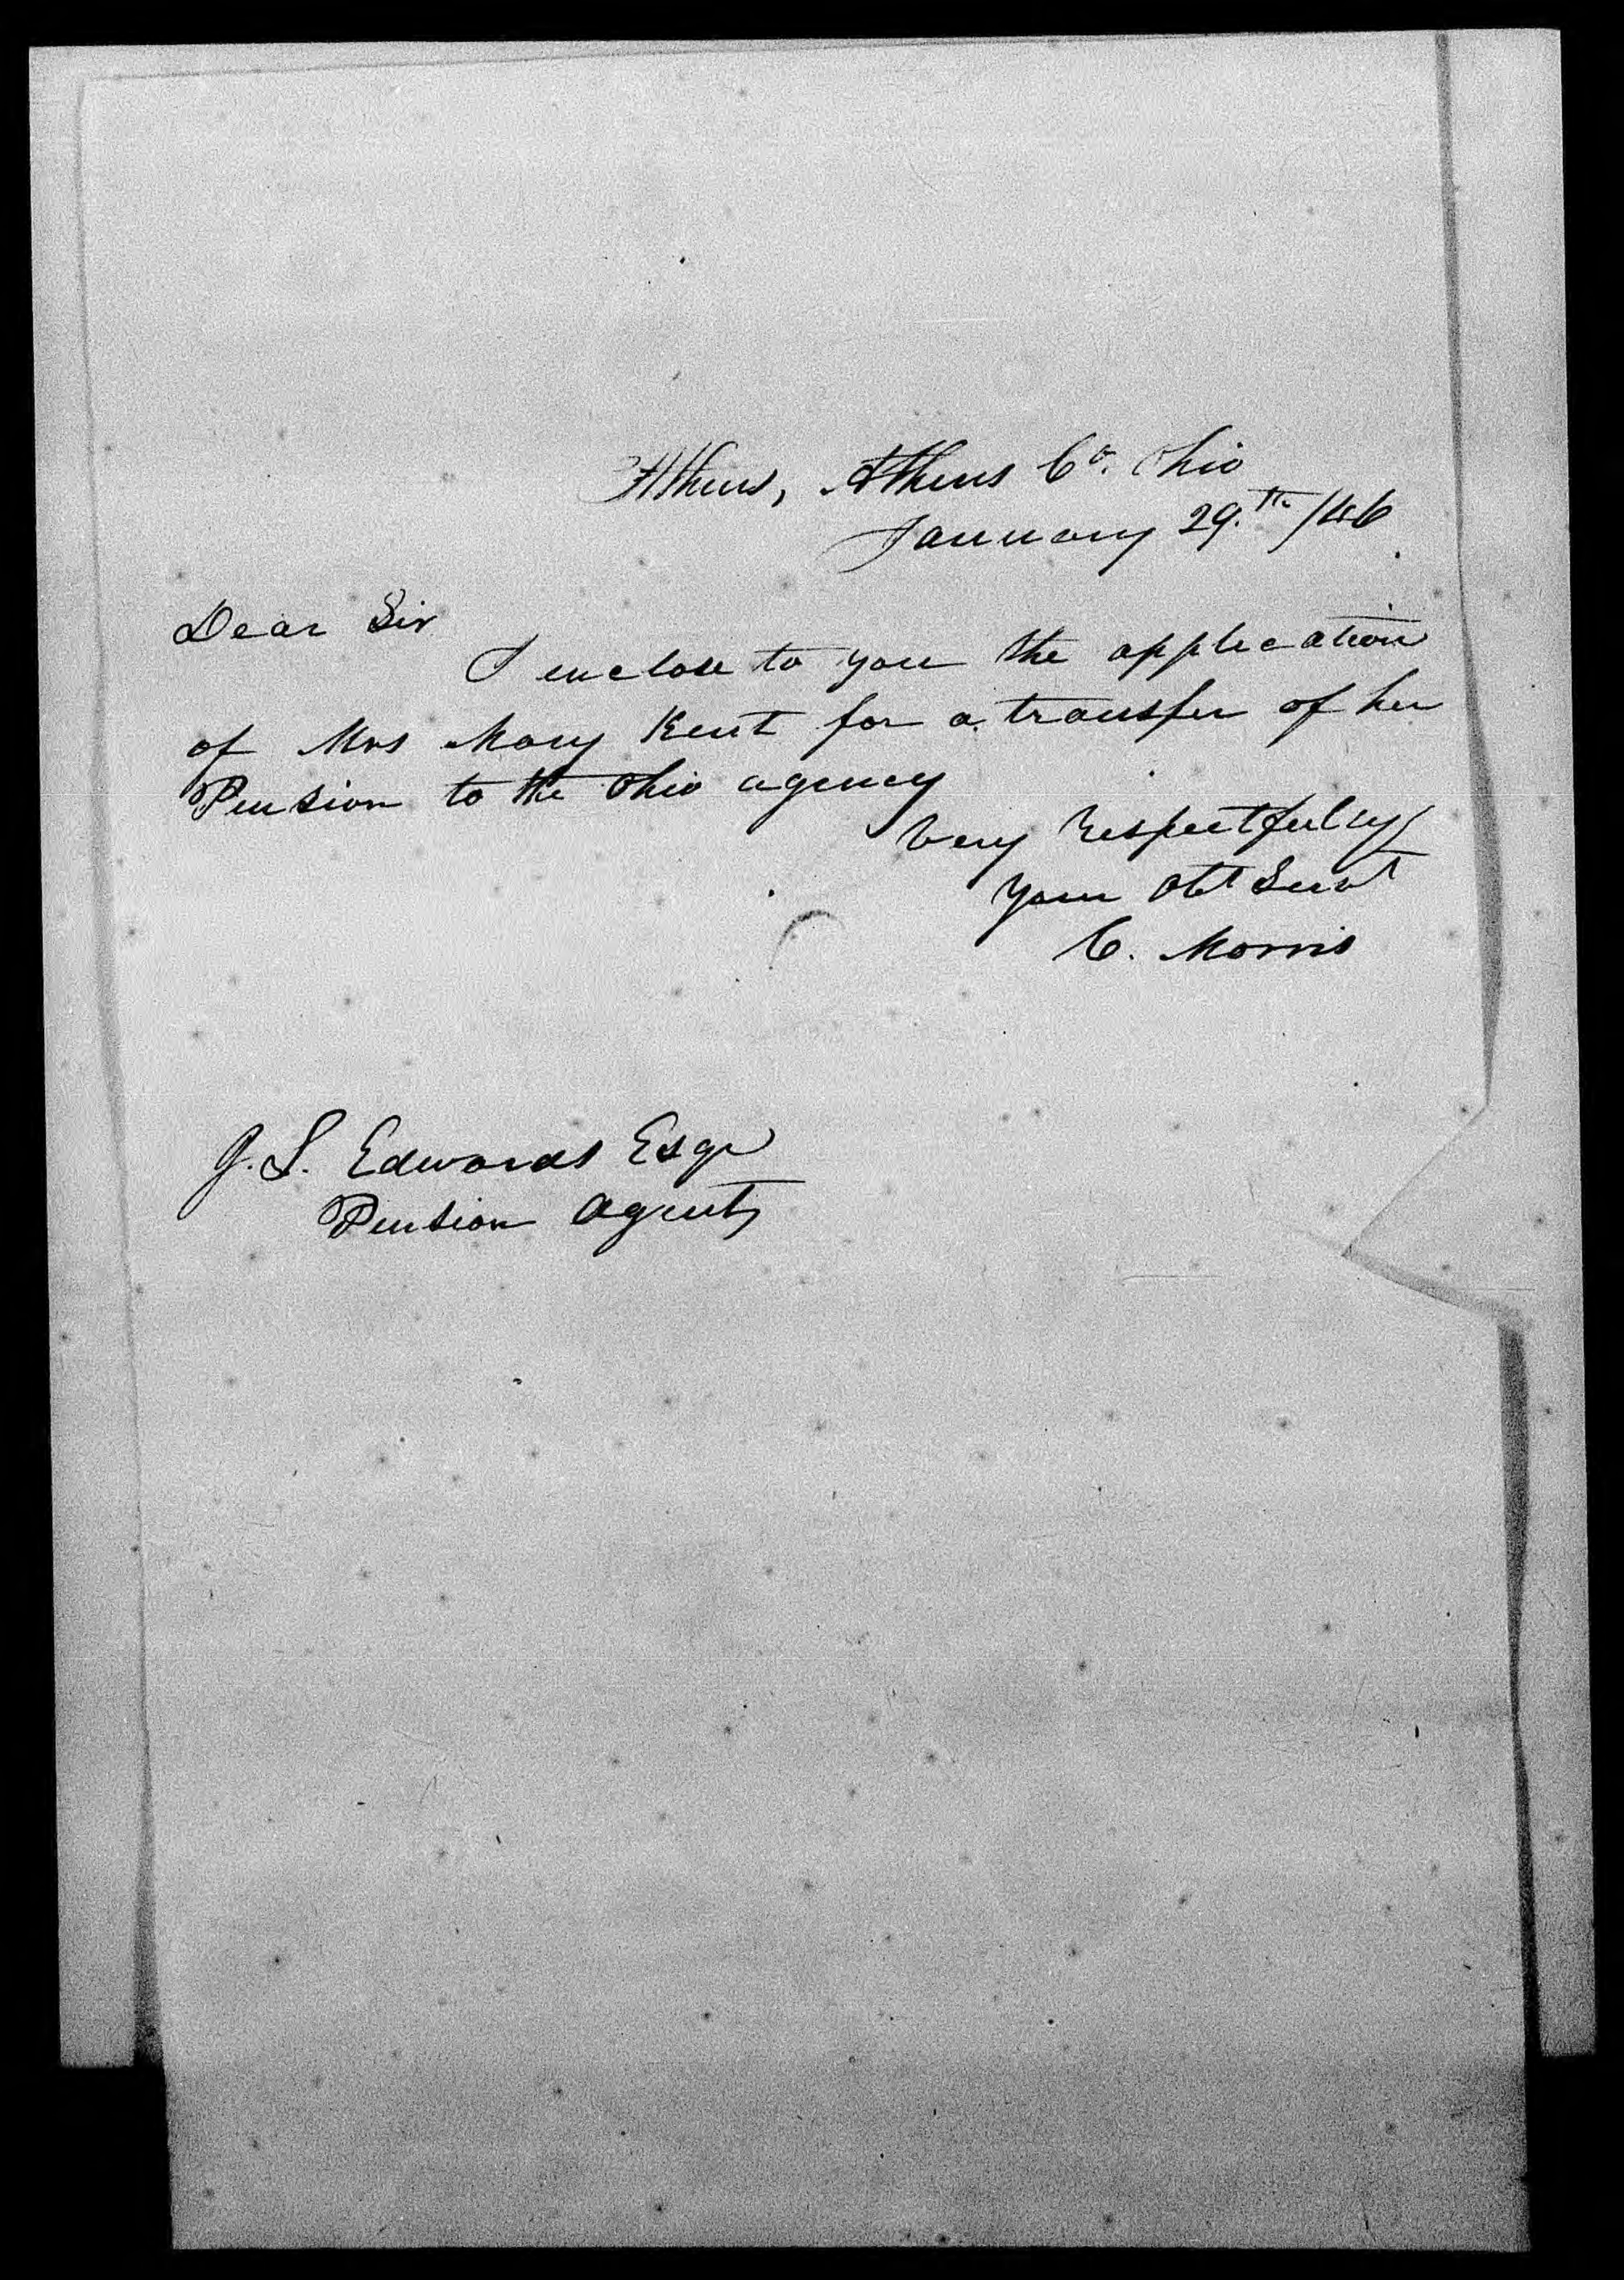Athens, Athens Co Ohio
January 29th /46

Dear Sir
I enclose to you the application of Mrs Mary Kent for a transfer of her Pension to the Ohio agency.
Very respectfully
Your obt Servt
C. Norris

J. L. Edwards Esqr
Pension Agent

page: 29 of 50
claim: widow's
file: W. 4253, for John Kent, Vermont